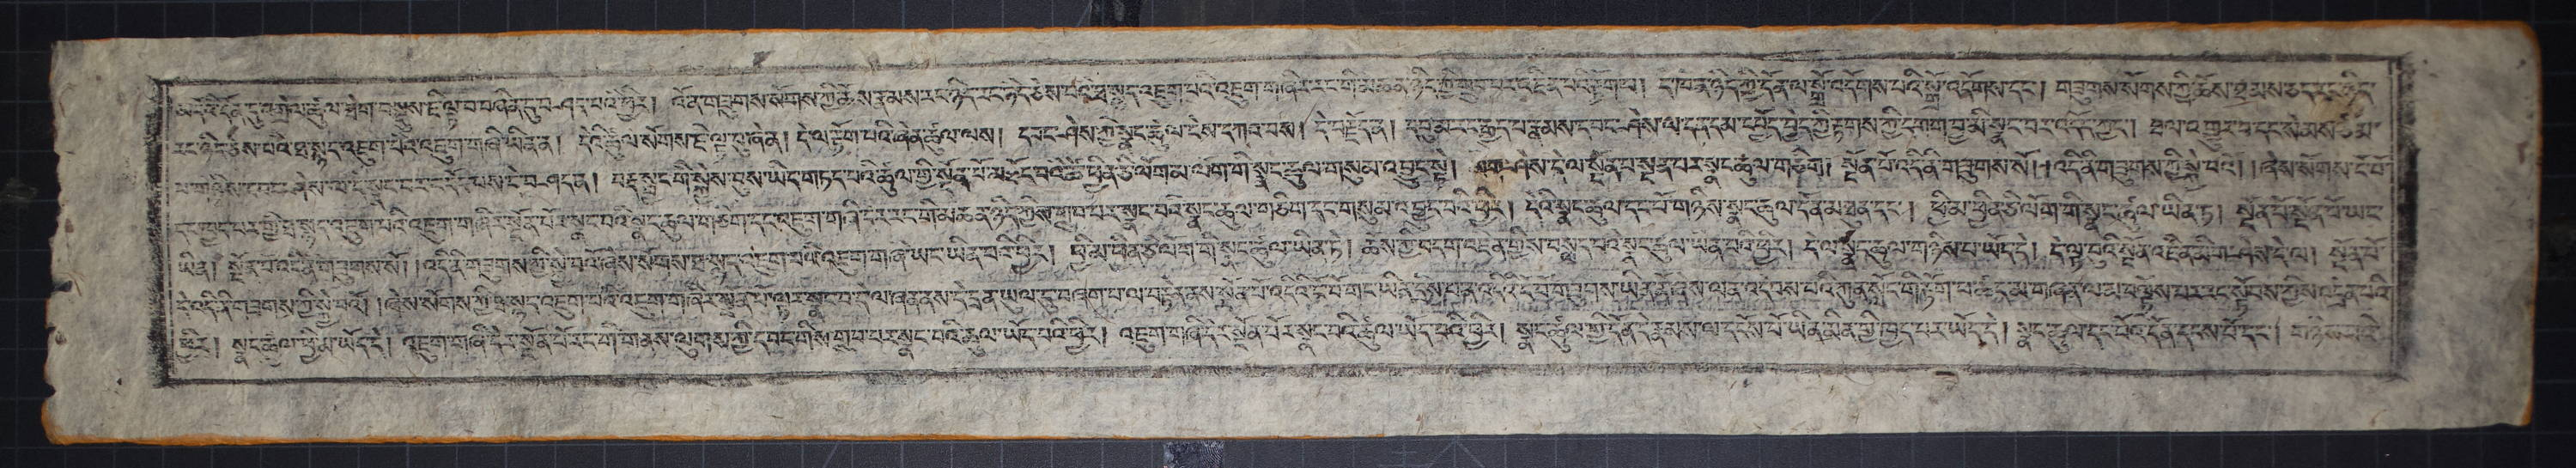མདོའི་དོན་དུ་འགྲེལ་ཚུལ་ཐེག་བསྡུས་ཇི་ལྟ་བ་བཞིན་དུ་བཤད་པའི་ཕྱིར། འོ་ན་གཟུགས་སོགས་ཀྱི་ཆོས་རྣམས་རང་ཉིད་རང་ཉིད་ཅེས་པའི་ཐ་སྙད་འཇུག་པའི་འཇུག་གཞིར་རང་གི་མཚན་ཉིད་ཀྱིས་གྲུབ་པར་འཛིན་པའི་རྟོག་པ། དེ་ཁོ་ན་ཉིད་ཀྱི་དོན་ལ་སྒྲོ་འདོགས་པའི་སྒྲོ་འདོགས་དང་། གཟུགས་སོགས་ཀྱི་ཆོས་ཐམས་ཅད་རང་ཉིད་
རང་ཉིད་ཅེས་པའི་ཐ་སྙད་འཇུག་པའི་འཇུག་གཞི་ཡིན་ན། དེའི་ཚུལ་སོགས་ཇི་ལྟ་བུ་ཞེ་ན། དེ་ལ་རྟོག་པའི་ཞེན་ཚུལ་ལས། དབང་ཤེས་ཀྱི་སྣང་ཚུལ་ངེས་དཀའ་བས། དེ་བརྗོད་ན། དབུ་མ་རང་རྒྱུད་པ་རྣམས་དབང་ཤེས་ལ་དོན་དམ་དཔྱོད་བྱེད་ཀྱི་རྟགས་ཀྱི་དགག་བྱ་མི་སྣང་བར་འདོད་ཀྱང་། ཐལ་འགྱུར་བ་དང་སེམས་ཙམ་
པ་གཉིས་དབང་ཤེས་ལ་དེ་སྣང་བར་འདོད་པས་དེ་བཤད་ན། བརྡ་སྦྱང་གི་སྐྱེས་བུས་ཡིད་གཏད་པའི་ཚུལ་གྱི་སྔོན་པོ་མཐོང་བའི་ཚེ་ཕྱིན་ཅི་ལོག་མ་ལོག་གི་སྣང་ཚུལ་གསུམ་འབྱུང་སྟེ། མིག་ཤེས་དེ་ལ་སྔོན་པོ་སྔོན་པོར་སྣང་ཚུལ་གཅིག །སྔོན་པོ་འདི་ནི་གཟུགས་སོ། །འདི་ནི་གཟུགས་ཀྱི་སྐྱེ་བའོ། །ཞེས་སོགས་ངོ་བོ་
དང་ཁྱད་པར་གྱི་ཐ་སྙད་འཇུག་པའི་འཇུག་གཞིར་སྔོན་པོར་སྣང་བའི་སྣང་ཚུལ་གཅིག་དང་འཇུག་གཞི་དེར་རང་གི་མཚན་ཉིད་ཀྱིས་གྲུབ་པར་སྣང་བའི་སྣང་ཚུལ་གཅིག་དང་གསུམ་འབྱུང་བའི་ཕྱིར། དེའི་སྣང་ཚུལ་དང་པོ་གཉིས་སྣང་ཚུལ་དོན་མཐུན་དང་། ཕྱི་མ་ཕྱིན་ཅི་ལོག་གི་སྣང་ཚུལ་ཡིན་ཏེ། སྔོན་པོ་སྔོན་པོ་ཡང་
ཡིན། སྔོན་པོ་འདི་ནི་གཟུགས་སོ། །འདི་ནི་གཟུགས་ཀྱི་སྐྱེ་བའོ་ཞེས་སོགས་ཐ་སྙད་འཇུག་པའི་འཇུག་གཞི་ཡང་ཡིན་པའི་ཕྱིར། ཕྱི་མ་ཕྱིན་ཅི་ལོག་གི་སྣང་ཚུལ་ཡིན་ཏེ། ཆོས་ཀྱི་བདག་འཛིན་གྱིས་བསླད་པའི་སྣང་ཚུལ་ཡིན་པའི་ཕྱིར། དེ་ལ་སྣང་ཚུལ་གཉིས་པ་ཡོད་དེ། དེ་ལྟ་བུའི་སྔོན་འཛིན་མིག་ཤེས་དེ་ལ། སྔོན་པོ་
དེ་འདི་ནི་གཟུགས་ཀྱི་སྐྱེ་བའོ། །ཞེས་སོགས་ཀྱི་ཐ་སྙད་འཇུག་པའི་འཇུག་གཞིར་སྔོན་པོ་ལྟར་སྣང་བ་དེ་ལ་ཞེན་ནས་དེ་དྲན་ཡུལ་དུ་བཞག་པ་ལ་བརྟེན་ནས་སྔོན་པོ་འདིའི་ངོ་བོ་གང་ཡིན་དྲིས་པ་ན་འདིའི་ངོ་བོ་གཟུགས་ཡིན་ནོ་ཞེས་ལན་འདེབས་པའི་ཀུན་སློང་གི་རྟོག་པ་ཚད་མ་གཞན་ལ་མ་བལྟོས་པར་རང་སྟོབས་ཀྱིས་འདྲེན་པའི་
ཕྱིར། སྣང་ཚུལ་ཕྱི་མ་ཡོད་དེ། འཇུག་གཞི་དེར་སྔོན་པོ་རང་གི་གནས་ལུགས་ཀྱི་དབང་གིས་གྲུབ་པར་སྣང་བའི་ཚུལ་ཡོད་པའི་ཕྱིར། འཇུག་གཞི་དེར་སྔོན་པོར་སྣང་བའི་ཚུལ་ཡོད་པའི་ཕྱིར། སྣང་ཚུལ་གྱི་དོན་དེ་རྣམས་ལ་དངོས་པོ་ཡིན་མིན་གྱི་ཁྱད་པར་ཡོད་དེ། སྣང་ཚུལ་དང་པོའི་དོན་དངོས་པོ་དང་། གཉིས་པའི་